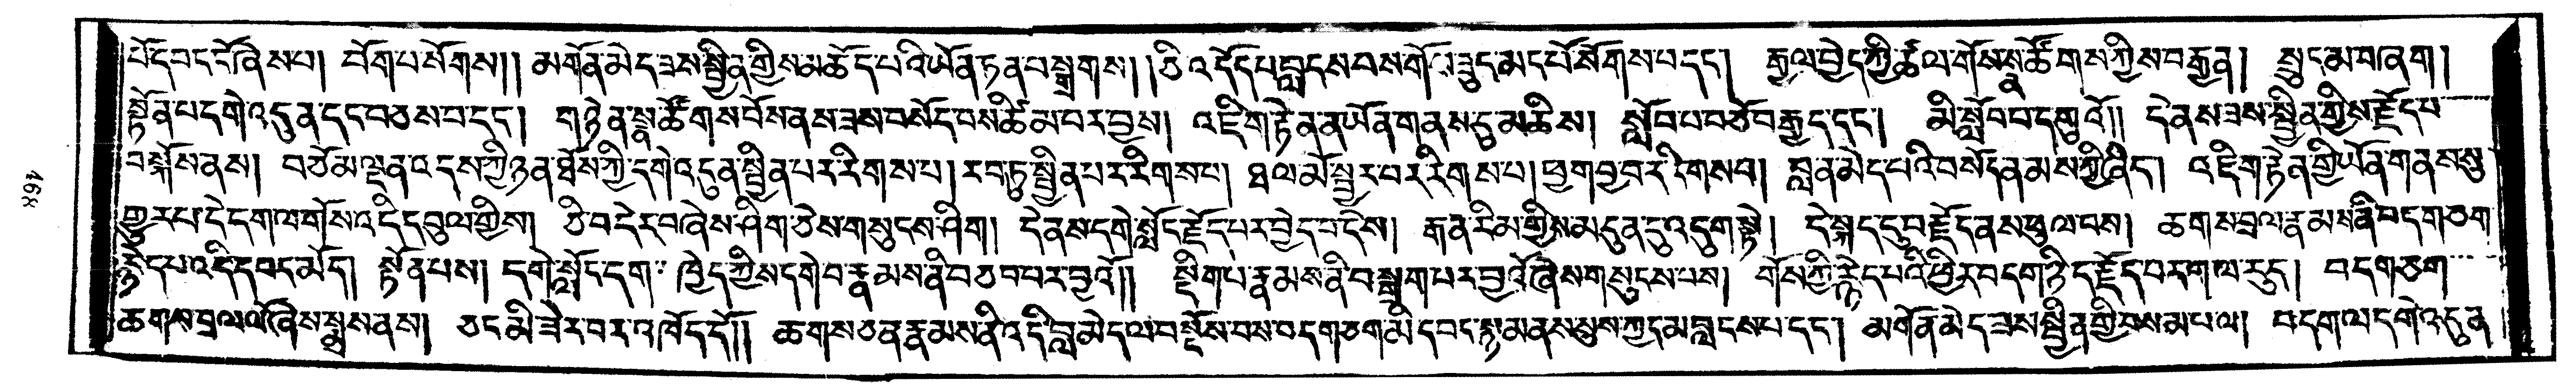པོ་དབང་ངོ་ཞེས་པ། བོག་པ་སོགས།། མགོན་མེད་ཟས་སྦྱིན་གྱིས་མཆོད་པའི་ཡོན་ཏན་བསྒྲགས། །ཅི་འདོད་པ་བླངས་བས་གོས་ཟུང་མང་པོ་སོགས་པ་དང་། རྒྱལ་བྱེད་ཀྱི་ཚལ་གོས་སྣ་ཚོགས་ཀྱིས་བརྒྱན། སྲུང་མ་བཞག།
སྟོན་པ་དགེ་འདུན་དང་བཅས་པ་དང་། གཉེན་སྣ་ཚོགས་བོས་ནས་ཟས་བསོད་བས་ཚིམ་པར་བྱས། འཇིག་རྟེན་ན་ཡོན་གནས་དུ་མཆིས། སློབ་པ་བཅོ་བརྒྱད་དང་། མི་སློབ་པ་དགུའོ།། དེ་ནས་ཟས་སྦྱིན་གྱིས་རྗོད་པ་
བསྐོས་ནས། བཅོམ་ལྡན་འདས་ཀྱི་ཉན་ཐོས་ཀྱི་དགེ་འདུན་སྦྱིན་པར་རིགས་པ། རབ་ཏུ་སྦྱིན་པར་རིགས་པ། ཐལ་མོ་སྦྱར་བར་རིགས་པ། ཕྱག་བྱ་བར་རིགས་པ། བླ་ན་མེད་པའི་བསོད་ནམས་ཀྱི་ཞིང་། འཇིག་རྟེན་གྱི་ཡོན་གནས་སུ་
གྱུར་པ་དེ་དག་ལ་གོས་འདི་དབུལ་གྱིས། ཅི་བདེར་བཞེས་ཤིག་ཅེས་གསུངས་ཤིག། དེ་ནས་དགེ་སློང་རྗོད་པར་བྱེད་པ་དེས། རྒན་རིམ་གྱིས་མདུན་དུ་འདུག་སྟེ། དེ་སྐད་དུ་བརྗོད་ནས་ཕུལ་བས། ཆགས་བྲལ་རྣམས་ནི་བདག་ཅག་
རྙེད་པ་འདི་དབང་མོད། སྟོན་པས། དགེ་སློང་དག་ཁྱེད་ཀྱིས་དགེ་བ་རྣམས་ནི་བཅབ་བར་བྱའོ།། སྡིག་པ་རྣམས་ནི་བསྒྲག་པར་བྱའོ་ཞེས་གསུངས་པས། གོས་ཀྱི་རྙེད་པའི་ཕྱིར་བདག་ཉིད་རྗོད་བར་གལ་རུང་། བདག་ཅག་
ཆགས་བྲལ་ལོ་ཞེས་སྨྲས་ནས། ཅང་མི་ཟེར་བར་འཁོད་དོ།། ཆགས་ཅན་རྣམས་ནི་འདི་བླ་མེད་ལ་བསྔོས་བས་བདག་ཅག་མི་དབང་སྙམ་ནས་སུས་ཀྱང་མ་བླངས་པ་དང་། མགོན་མེད་ཟས་སྦྱིན་གྱི་བས་མ་པ་ལ། བདག་ལ་དགེ་འདུན་